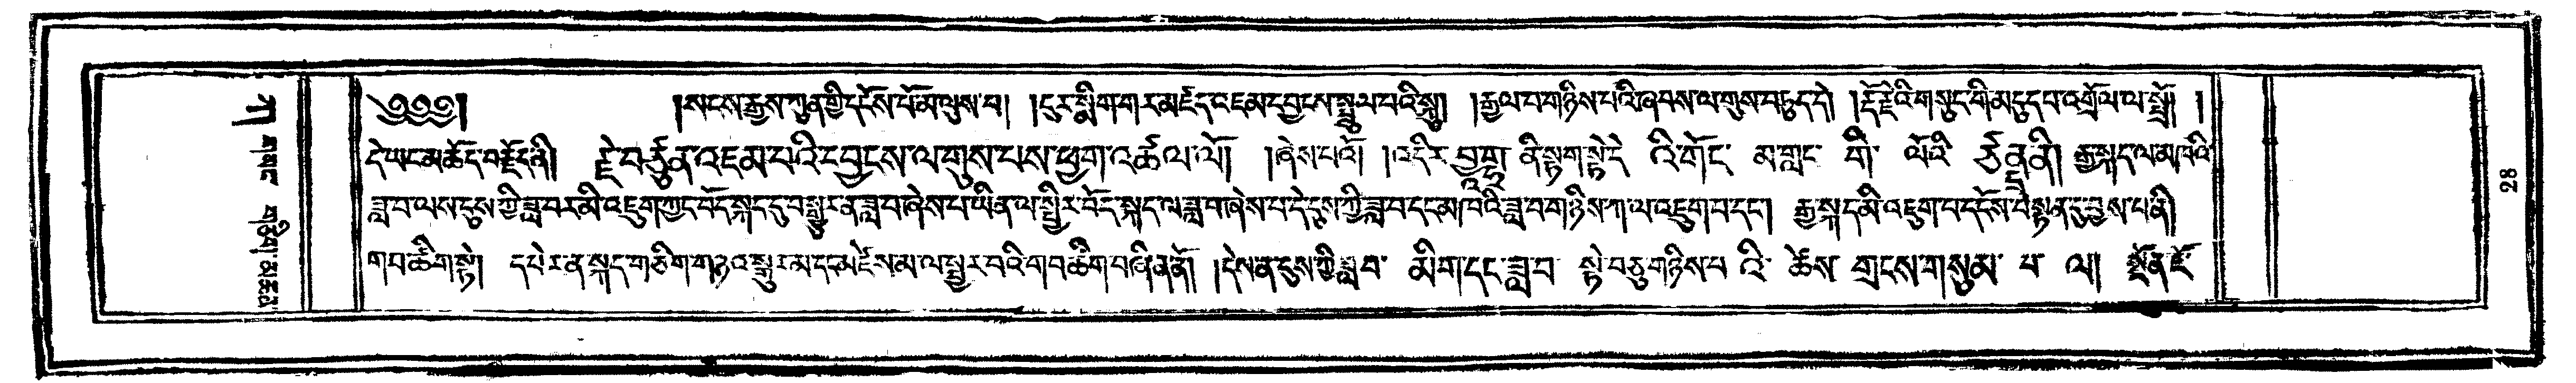༄༅༅། །སངས་རྒྱས་ཀུན་གྱི་དངོས་པོ་མ་ལུས་པ། །ངུར་སྨིག་གར་མཛད་འཇམ་དབྱངས་སྤྲུལ་བའི་སྐུ། །རྒྱལ་བ་གཉིས་པའི་ཞབས་ལ་གུས་བཏུད་དེ། །རྡོ་རྗེའི་གསུང་གི་མདུད་པ་འགྲོལ་ལ་སྤྲོ། །
དེ་ཡང་མཆོད་བརྗོད་ནི། རྗེ་བཙུན་འཇམ་པའི་དབྱངས་ལ་གུས་པས་ཕྱག་འཚལ་ལོ། །ཞེས་པའོ། །འདིར་བྱཱ་གྷྲ་ནི་སྟག་སྟེ་དེའི་གོང་མ་གླང་གི་ལོའི་ཙནྡྲ་ནི། རྒྱ་སྐད་ལ་མཁའི་
ཟླ་བ་ལས་དུས་ཀྱི་ཟླ་བར་མི་འཇུག་ཀྱང་བོད་སྐད་དུ་བསྒྱུར་ན་ཟླ་བ་ཞེས་པ་ཡིན་ལ་སྤྱིར་བོད་སྐད་ལ་ཟླ་བ་ཞེས་པ་དེ་དུས་ཀྱི་ཟླ་བ་དང་མཁའི་ཟླ་བ་གཉིས་ཀ་ལ་འཇུག་པ་དང་། རྒྱ་སྐད་མི་འཇུག་པ་དངོས་བསྟན་དུ་བྱས་པ་ནི།
གབ་ཚིག་སྟེ། དཔེར་ན་སྐད་གཅིག་གཉའ་སྒུར་མ་དང་མཛེས་མ་ལ་སྦྱར་བའི་གབ་ཚིག་བཞིན་ནོ། །དེས་ན་དུས་ཀྱི་བླབ་མིག་དང་ཟླ་བ་སྟེ་བཅུ་གཉིས་པའི་ཚེ་གྲངས་གསུམ་པ་ལ། སྔོན་ཇོ་